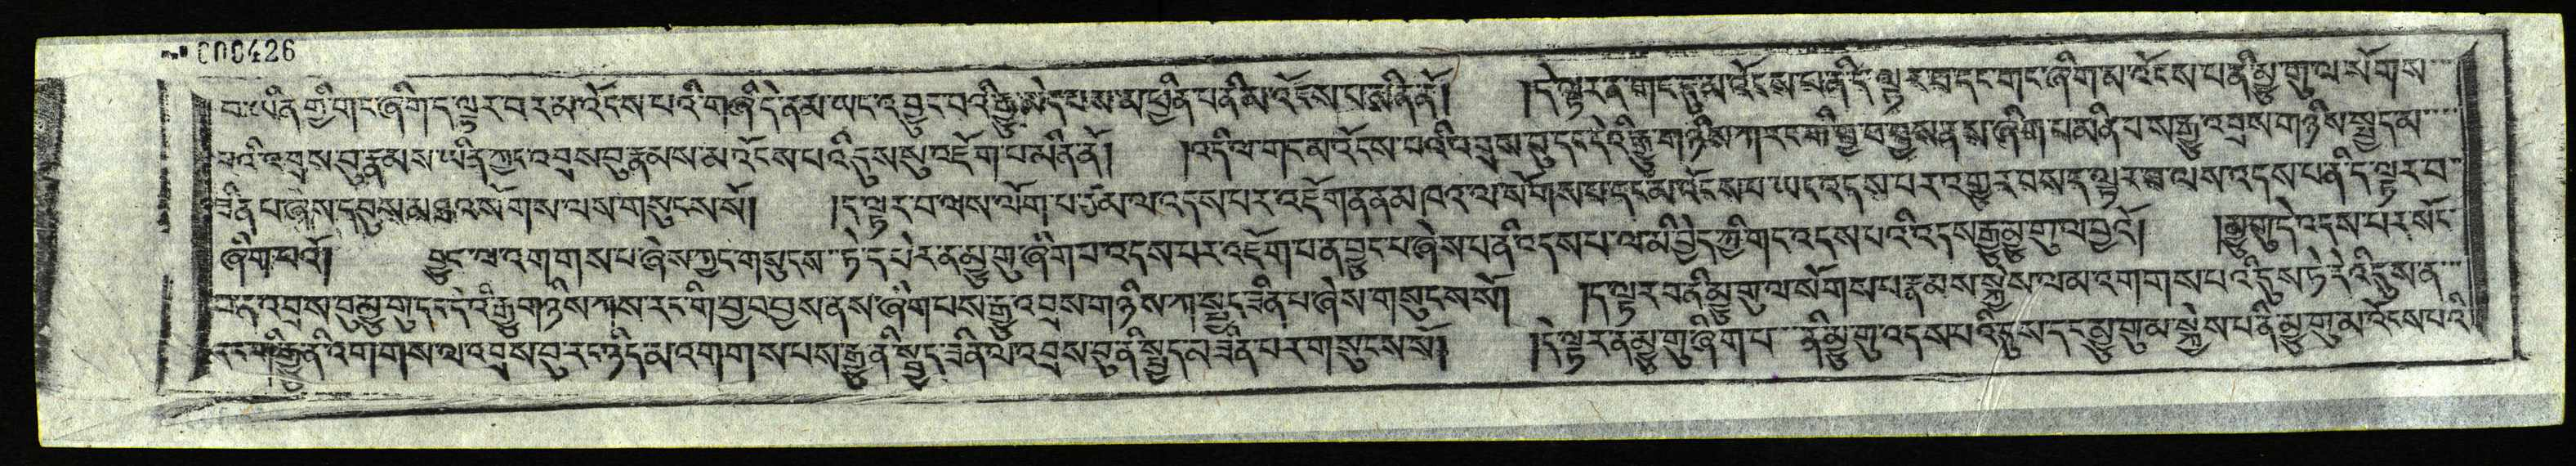བ་ཡིན་གྱི་གང་ཞིག་ད་ལྟར་བར་མ་འོངས་པའི་གཞི་དེ་ནམ་ཡང་འབྱུང་བའི་རྒྱུ་མེད་པས་མ་ཕྱིན་པ་ནི་མ་འོངས་པ་མིན་ནོ། །དེ་ལྟར་ན་གང་དུ་མ་འོངས་པ་ནི་ད་ལྟར་བ་དང་གང་ཞིག་མ་འོངས་པ་ནི་མྱུ་གུ་ལ་སོགས་
པའི་འབྲས་བུ་རྣམས་ཡིན་ཀྱང་འབྲས་བུ་རྣམས་མ་འོངས་པའི་དུས་སུ་འཇོག་པ་མིན་ནོ། །འདི་ལ་གང་མ་འོངས་པའི་འབྲས་བུ་དང་དེའི་རྒྱུ་གཉིས་ཀ་རང་གི་བྱ་བ་བྱས་ནས་ཞིག་པ་མིན་པས་རྒྱུ་འབྲས་གཉིས་སྤྱད་མ་
ཟིན་པ་ཞེས་དབུས་མཐའ་སོགས་ལས་གསུངས་སོ། །ད་ལྟར་བ་ལས་ལོག་པ་ཙམ་ལ་འདས་པར་འཇོག་ན་ནམ་མཁའ་ལ་སོགས་པ་དང་མ་འོངས་པ་ཡང་འདས་པར་འགྱུར་བས་ད་ལྟར་བ་ལས་འདས་པ་ནི་ད་ལྟར་བ་
ཞིག་པའོ། བྱུང་ལ་འགགས་པ་ཞེས་ཀྱང་གསུངས་ཏེ་དཔེར་ན་མྱུ་གུ་ཞིག་པ་འདས་པར་འཇོག་པ་ན་བྱུང་པ་ཞེས་པ་ནི་འདས་པ་ལ་མི་བྱེད་ཀྱི་གང་འདས་པའི་འདས་རྒྱུ་མྱུ་གུ་ལ་བྱའོ། །མྱུ་གུ་དེ་འདས་པར་སོང་
བ་ན་འབྲས་བུ་མྱུ་གུ་དང་དེའི་རྒྱུ་གཉིས་ཀས་རང་གི་བྱ་བ་བྱས་ནས་ཞིག་པས་རྒྱུ་འབྲས་གཉིས་ཀ་སྤྱང་ཟིན་པ་ཞེས་གསུངས་སོ། །ད་ལྟར་བ་ནི་མྱུ་གུ་ལ་སོགས་པ་རྣམས་སྐྱེས་ལ་མ་འགགས་པའི་དུས་ཏེ་དེའི་དུས་ན་
རང་གི་རྒྱུ་ནི་འགགས་ལ་འབྲས་བུ་རང་ཉིད་མ་འགགས་པས་རྒྱུ་ནི་སྤྱད་ཟིན་ལ་འབྲས་བུ་ནི་སྤྱད་མ་ཟིན་པར་གསུངས་སོ། །དེ་ལྟར་ན་མྱུ་གུ་ཞིག་པ་ནི་མྱུ་གུ་འདས་པའི་དུས་དང་མྱུ་གུ་མ་སྐྱེས་པ་ནི་མྱུ་གུ་མ་འོངས་པའི་